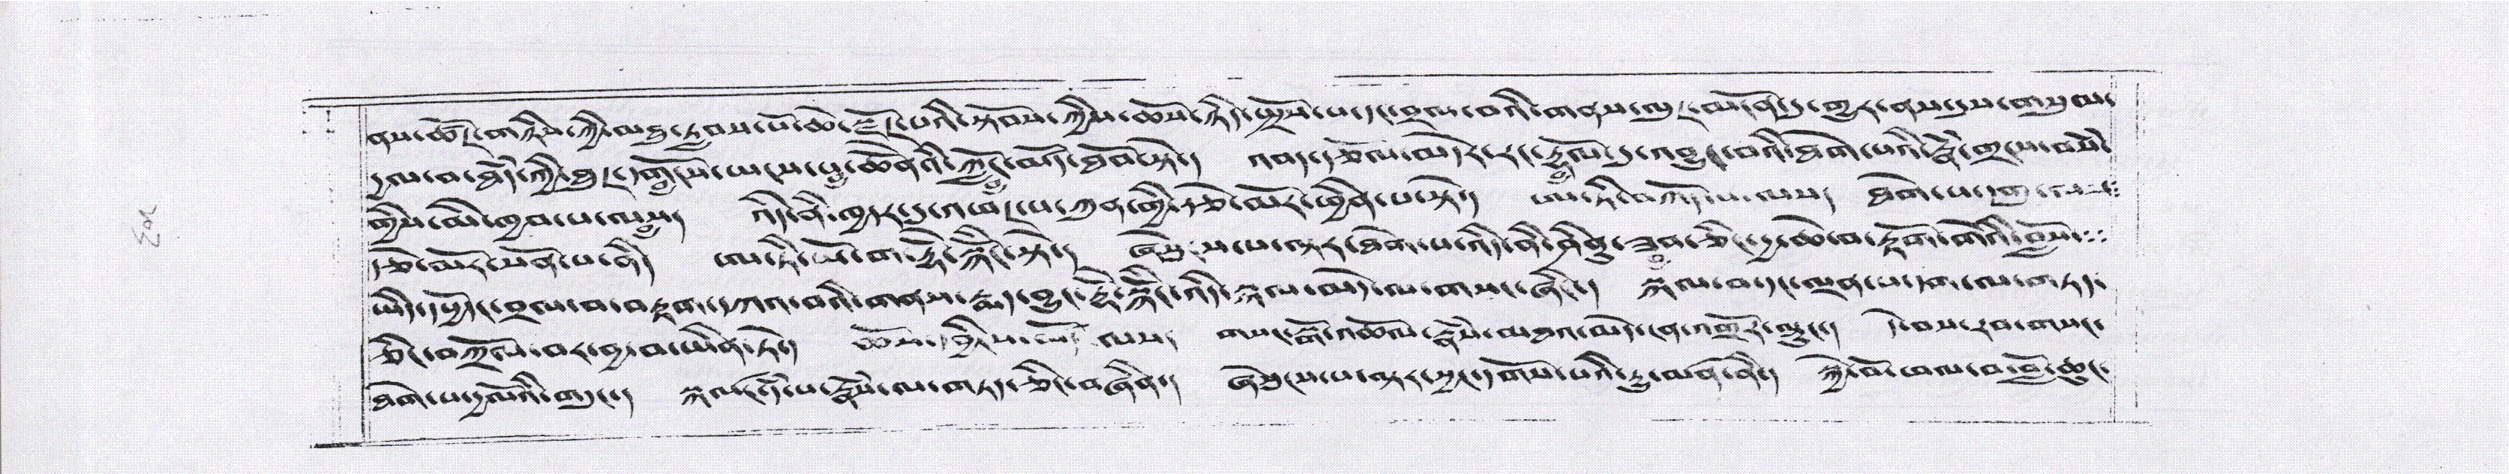ནས་ཚོགས་གཉིས་ཀྱི་མཐུ་རླབས་པོ་ཆེ་རྫོགས་པའི་སྟོབས་ཀྱིས་ཆོས་ཉིད་སྤྲོས་པ་དང་བྲལ་བའི་གནས་ལུགས་མངོན་དུ་གྱུར་ནས་དུས་གསུམ་
རྒྱལ་བ་ཐམས་ཅད་ཀྱི་ཐུགས་དགོངས་ཡངས་པ་ཆེན་པོའི་ཀློང་མཛོད་ཐོབ་སྟེ། འབད་རྩོལ་མེད་པར་རང་རྡོལ་དུ་འབྱུང་བའི་ཐེག་པའི་རྣམ་གྲངས་བསམ་
གྱིས་མི་ཁྱབ་པ་ལས། འདི་ནི་ཁྱད་པར་དུ་འཕགས་པ་ཀུན་གྱི་རྩེ་མོར་ཕྱིན་པ་སྟེ། ཨ་ཏི་བཀོད་པ་ལས། ཐེག་པ་དགུ་ལས་
རྩེ་མོར་སོན་པ་ནི། ཨ་ཏི་ཡོ་ག་རྡོ་རྗེ་སྙིང་པོ་སྟེ། ཞེས་གསུངས་པ་ལྟར་ཐེག་པ་འདི་ནི་ཤིན་ཏུ་ཟབ་ཅིང་རྒྱ་ཆེ་བ་རྟོག་གེའི་བློས་
ཡིད་དཔྱོད་དང་བྲལ་བ་བརྟག་དཀའ་བའི་གནས་རྨད་བྱུང་རྡོ་རྗེ་སྙིང་པོ་འདི་སྐལ་མེད་ལ་གསང་ཞིང་། སྐལ་བ་དང་ལྡན་པ་དག་ལ་གཏད་
ཅིང་བཀྲོལ་བར་བྱ་བ་ཡིན་ཏེ། ཆོས་དབྱིངས་མཛོད་ལས། གསང་སྒོ་འཆོལ་རྣམས་མཐའ་མེད་ངན་འགྲོར་ལྟུང་། དེ་བས་རབ་གསང་
ཐེག་པ་རྒྱལ་པོའི་གདུང་། སྐལ་བཟང་དམ་པ་རྣམས་ལ་གཏད་ཅིང་བཞིན། ཞེས་གསུངས་པ་ལྟར་གསང་དགོས་པའི་རྒྱུ་མཚན་ནི། སྐྱེ་བོ་ཕལ་པ་བློ་ཆུང་